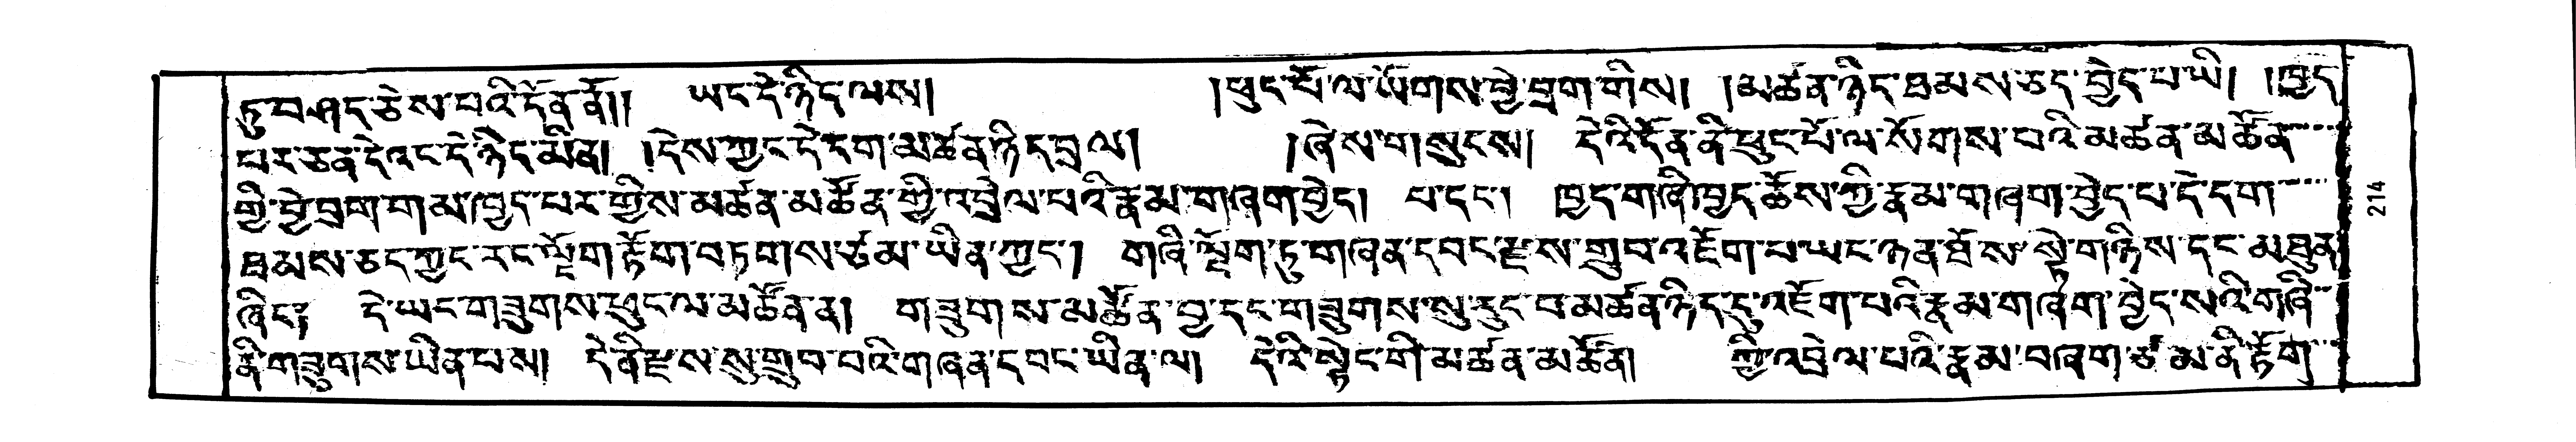ཏུ་བཤད་ཅེས་པའི་དོན་ནོ། །ཡང་དེ་ཉིད་ལས། །ཕུང་པོ་ལ་ཡོགས་བྱེ་བྲག་གིས། །མཚན་ཉིད་ཐམས་ཅད་བྱེད་པ་ཡི། །ཁྱད་
པར་ཅན་དེའང་དེ་ཉིད་མིན། །དེས་ཀྱང་དེ་དག་མཚན་ཉིད་བྲལ། །ཞེས་གསུངས། དེའི་དོན་ནི་ཕུང་པོ་ལ་སོགས་པའི་མཚན་མཚོན་
གྱི་བྱེ་བྲག་གམ་ཁྱད་པར་གྱིས་མཚན་མཚོན་གྱི་འབྲེལ་བའི་རྣམ་གཞག་བྱེད། པ་དང་། ཁྱད་གཞི་ཁྱད་ཆོས་ཀྱི་རྣམ་གཞག་བྱེད་པ་དེ་དག་
ཐམས་ཅད་ཀྱང་རང་ལྡོག་རྟོག་བཏགས་ཙམ་ཡིན་ཀྱང་། གཞི་ལྡོག་ཏུ་གཞན་དབང་རྫས་གྲུབ་འཇོག་པ་ཡང་ཉན་ཐོས་སྟེ་གཉིས་དང་མཐུན་
ཞིང་། དེ་ཡང་གཟུགས་ཕུང་ལ་མཚོན་ན། གཟུགས་མཚོན་བྱ་དང་གཟུགས་སུ་རུང་བ་མཚན་ཉིད་དུ་འཇོག་པའི་རྣམ་གཞག་བྱེད་སའི་གཞི་
ནི་གཟུགས་ཡིན་པས། དེ་ནི་རྫས་སུ་གྲུབ་པའི་གཞན་དབང་ཡིན་ལ། དེའི་སྟེང་གི་མཚན་མཚོན། གྱི་འབྲེལ་བའི་རྣམ་བཞག་ཙམ་ནི་རྟོག་